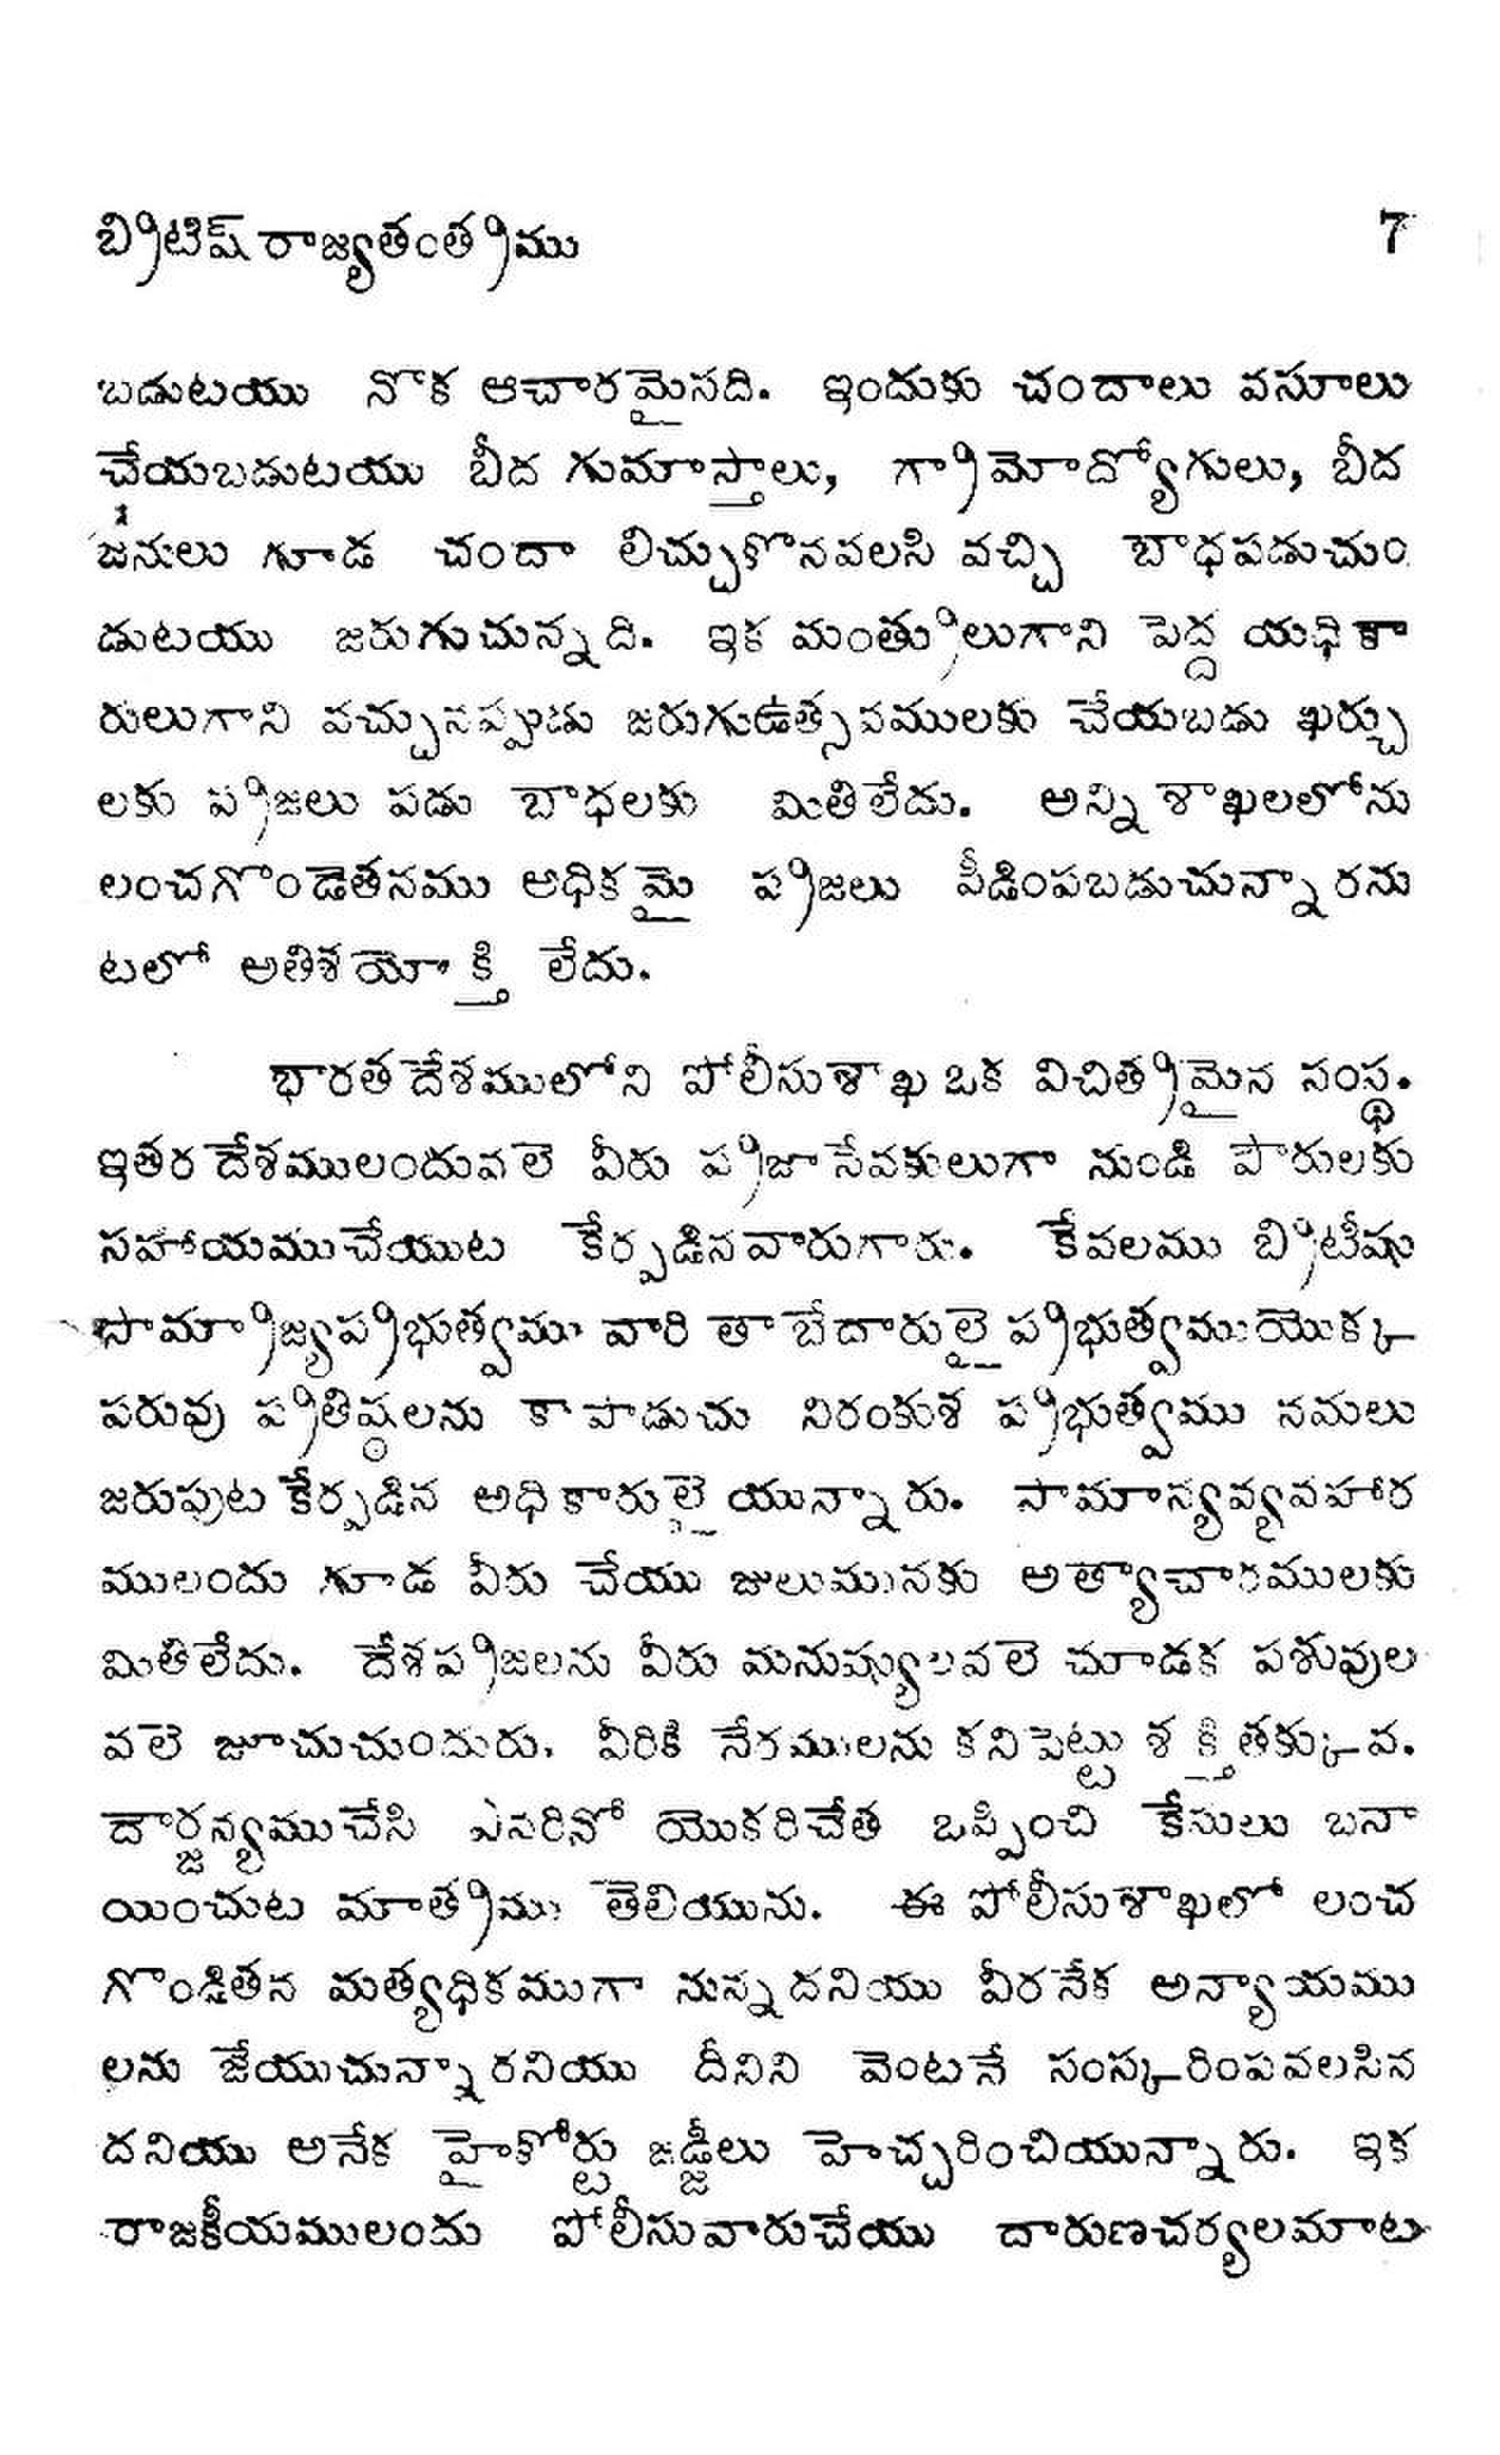బడుటయు నొక ఆచారమైనది. ఇందుకు చందాలు వసూలు చేయబడుటయు బీద గుమాస్తాలు, గ్రామోద్యోగులు, బీదజనులు గూడ చందా లిచ్చుకొనవలసి వచ్చి బాధపడుచుండుటయు జరుగుచున్నది. ఇక మంత్రులుగాని పెద్ద యథికారులుగాని వచ్చునప్పుడు జరుగుఉత్సవములకు చేయబడు ఖర్చులకు ప్రజలు పడు బాధలకు మితిలేదు. అన్ని శాఖలలోను లంచగొండెతనము అధికమై ప్రజలు పీడింపబడుచున్నారనుటలో అతిశయోక్తి లేదు.

భారతదేశములోని పోలీసుశాఖ ఒక విచిత్రమైన సంస్థ. ఇతరదేశములందువలె వీరు ప్రజాసేవకులుగా నుండి పౌరులకు సహాయముచేయుట కేర్పడినవారుగారు. కేవలము బ్రిటీషుసామ్రాజ్యప్రభుత్వము వారి తాబేదారులై ప్రభుత్వముయొక్క పరువు ప్రతిష్టలను కాపాడుచు నిరంకుశ ప్రభుత్వము నమలు జరుపుట కేర్పడిన అధికారులై యున్నారు. సామాన్య వ్యవహారములందు గూడ వీరు చేయు జులుమునకు అత్యాచారములకు మితిలేదు. దేశప్రజలను వీరు మనుష్యులవలె చూడక పశువులవలె జూచుచుందురు. వీరికి నేరములను కనిపెట్టు శక్తితక్కువ. దౌర్జన్యముచేసి ఎవరినో యొకరిచేత ఒప్పించి కేసులు బనాయించుట మాత్రము తెలియును. ఈ పోలీసుశాఖలో లంచగొండితన మత్యధికముగా నున్నదనియు వీరనేక అన్యాయములను జేయుచున్నారనియు దీనిని వెంటనే సంస్కరింపవలసిన దనియు అనేక హైకోర్టు జడ్జీలు హెచ్చరించియున్నారు. ఇక రాజకీయములందు పోలీసువారుచేయు దారుణచర్యలమాట